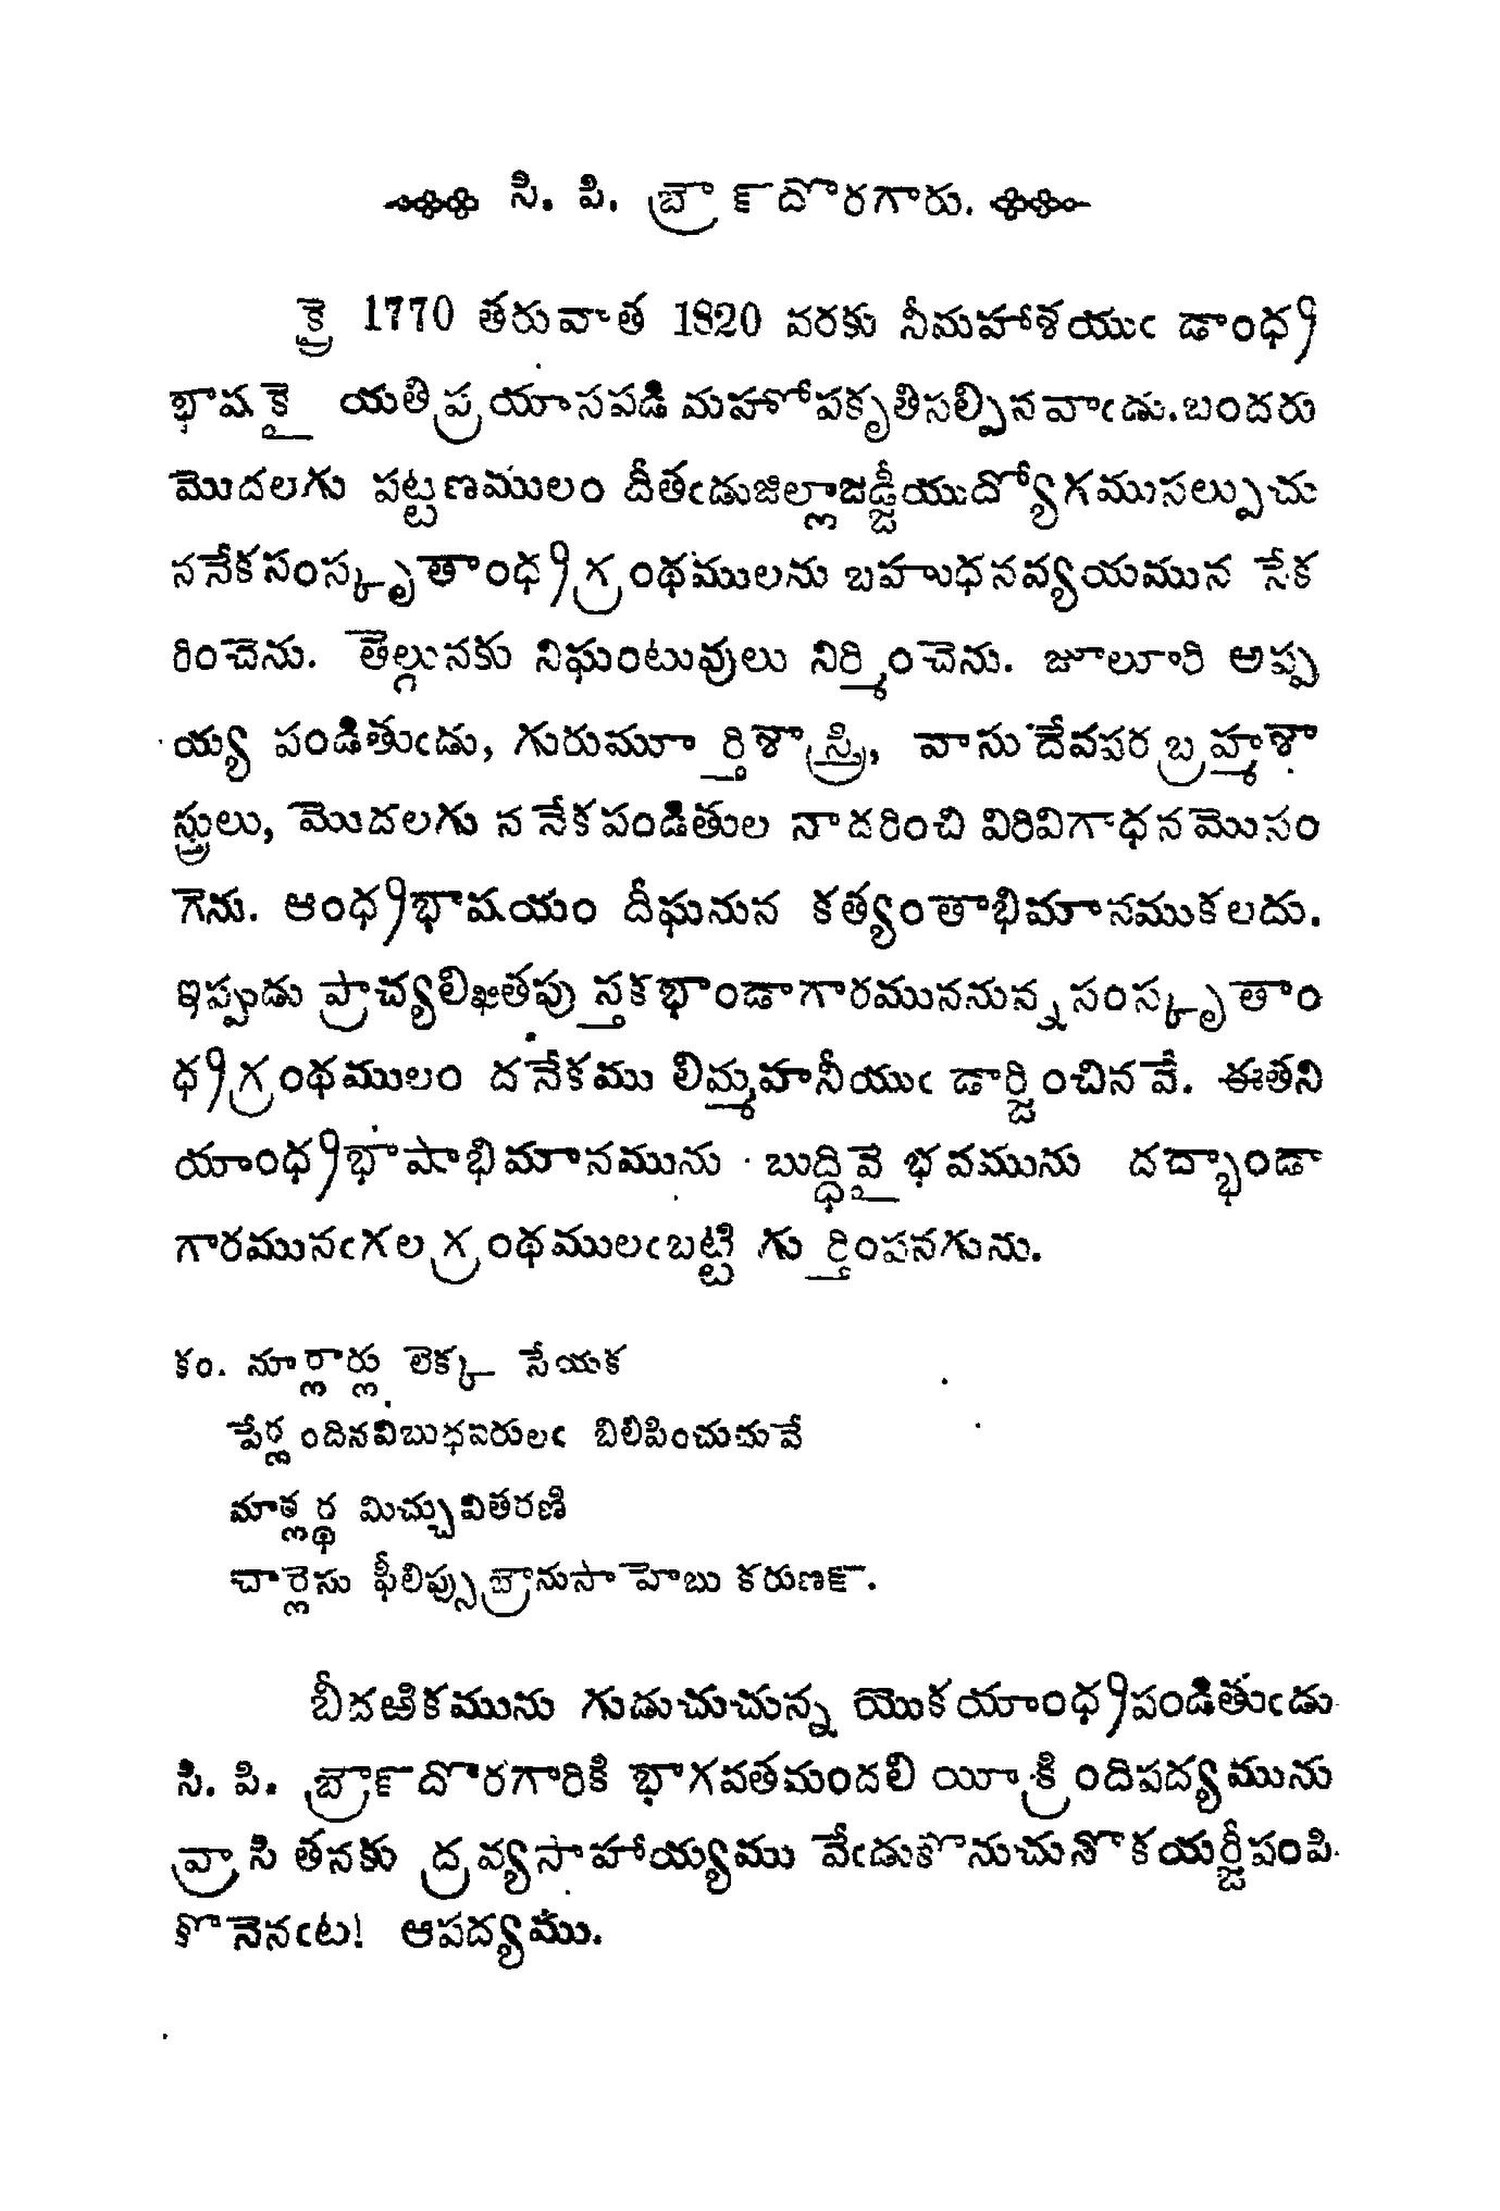క్రై 1770 తర్వాత 1820 వఱకు నీమహాశయుఁ డాంధ్రభాషకై యతిప్రయాసపడి మహోపకృతి సల్పినవాఁడు. అనేక సంస్కృతాంధ్రగ్రంథములను సేకరించెను. తెల్గునకు నిఘంటువులు నిర్మించెను. జూలూరి అప్పయ్య, గురుమూర్తి శాస్త్రి మొదలగు ననేక పండితుల నాదరించెను. ఇప్పుడు ప్రాచ్యలిఖితపుస్తకభాండాగారమున నున్న సంస్కృతాంధ్రగ్రంథములం దనేకము లిమ్మహనీయుఁ డార్జించినవే.
క. నూరార్లు లెక్క సేయక
 పేర్లందిన విబుధవరులఁ బిలిపించుచు నే
 మా ర్లర్థ మిచ్చు వితరణి
 చార్లెసు ఫీలిప్సు బ్రౌను సాహెబు కరుణన్.

బీదఱికమును గుడుచుచున్న యొక యాంధ్రపండితుఁడు సి. పి. బ్రౌన్ దొరగారికి భాగవతమందలి యీ క్రిందిపద్యమును వ్రాసి తనకు ద్రవ్యసాహాయ్యము వేఁడుకొనుచు నొకయర్జీ పంపికొనెనఁట! ఆపద్యము.